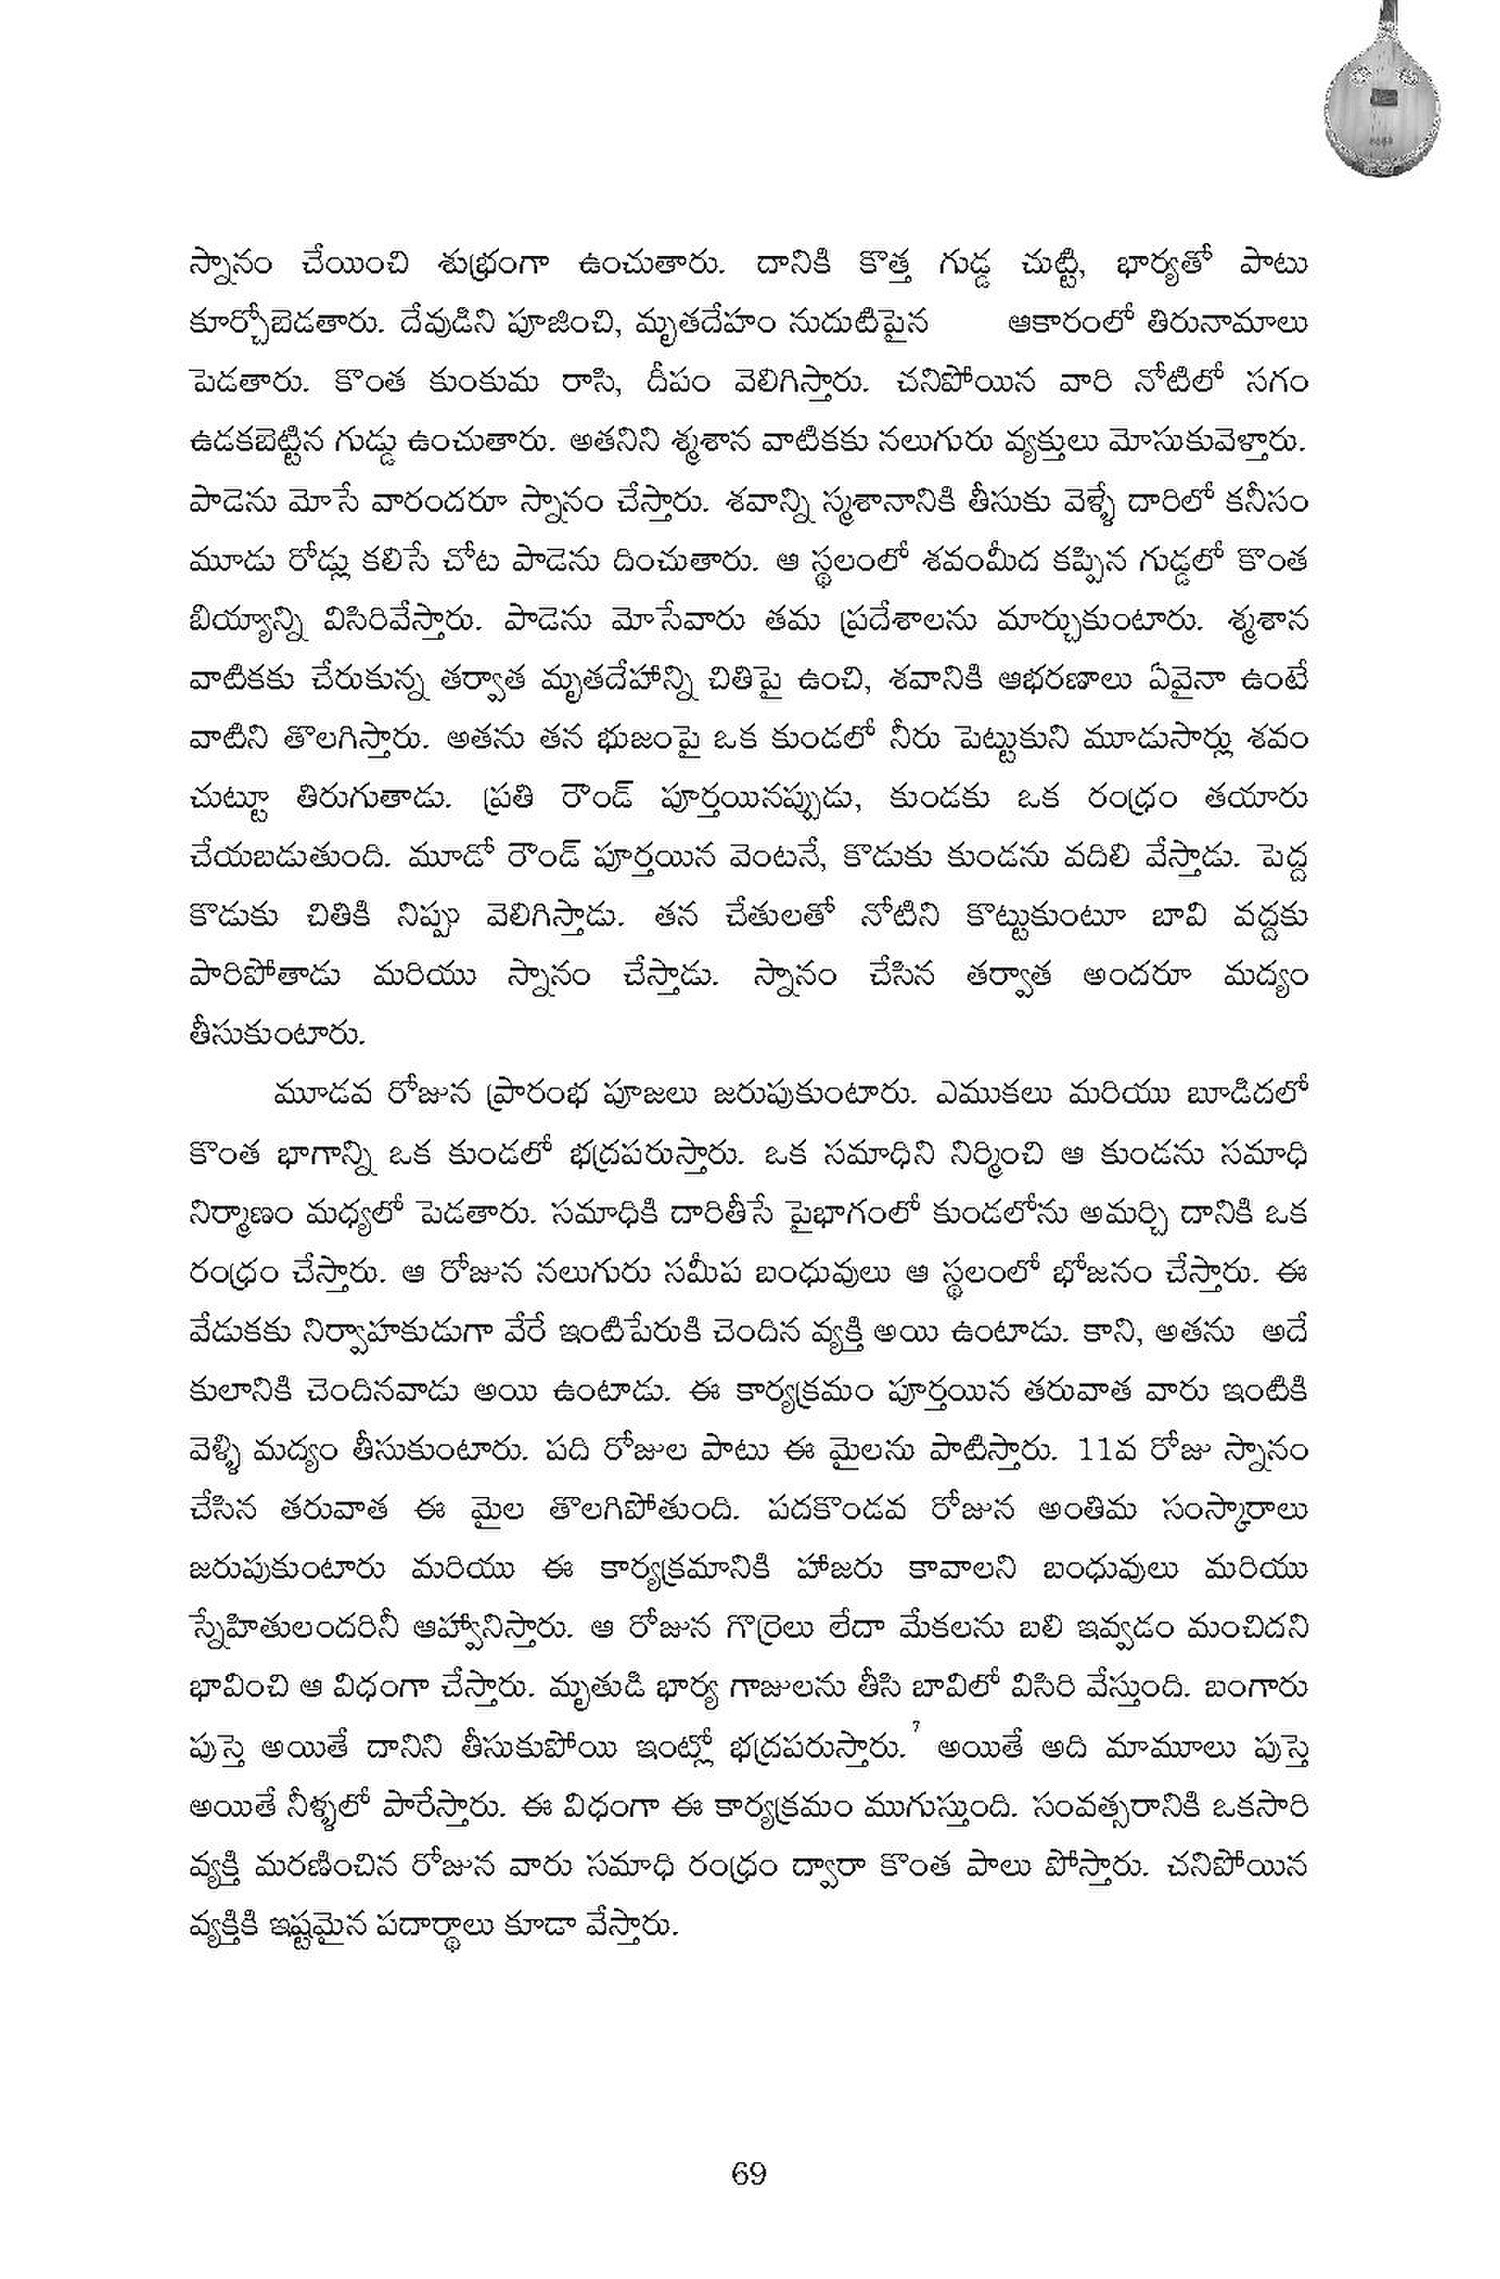స్నానం చేయించి శుభ్రంగా ఉంచుతారు. దానికి కొత్త గుడ్డ చుట్టి, భార్యతో పాటు కూర్చోబెడతారు. దేవుడిని పూజించి, మృతదేహం నుదుటిపైన ఆకారంలో తిరునామాలు పెడతారు. కొంత కుంకుమ రాసి, దీపం వెలిగిస్తారు. చనిపోయిన వారి నోటిలో సగం ఉడకబెట్టిన గుడ్డు ఉంచుతారు. అతనిని శ్మశాన వాటికకు నలుగురు వ్యక్తులు మోసుకువెళ్తారు. పాడెను మోసే వారందరూ స్నానం చేస్తారు. శవాన్ని స్మశానానికి తీసుకు వెళ్ళే దారిలో కనీసం మూడు రోడ్లు కలిసే చోట పాడెను దించుతారు. ఆ స్థలంలో శవంమీద కప్పిన గుడ్డలో కొంత బియ్యాన్ని విసిరివేస్తారు. పాడెను మోసేవారు తమ ప్రదేశాలను మార్చుకుంటారు. శ్మశాన వాటికకు చేరుకున్న తర్వాత మృతదేహాన్ని చితిపై ఉంచి, శవానికి ఆభరణాలు ఏవైనా ఉంటే
వాటిని తొలగిస్తారు. అతను తన భుజంపై ఒక కుండలో నీరు పెట్టుకుని మూడుసార్లు శవం చుట్టూ తిరుగుతాడు. ప్రతి రౌండ్ పూర్తయినప్పుడు, కుండకు ఒక రంధ్రం తయారు చేయబడుతుంది. మూడో రౌండ్ పూర్తయిన వెంటనే, కొడుకు కుండను వదిలి వేస్తాడు. పెద్ద కొడుకు చితికి నిప్పు వెలిగిస్తాడు. తన చేతులతో నోటిని కొట్టుకుంటూ బావి వద్దకు
పారిపోతాడు మరియు స్నానం చేస్తాడు. స్నానం చేసిన తర్వాత అందరూ మద్యం తీసుకుంటారు.

మూడవ రోజున ప్రారంభ పూజలు జరుపుకుంటారు. ఎముకలు మరియు బూడిదలో కొంత భాగాన్ని ఒక కుండలో భద్రపరుస్తారు. ఒక సమాధిని నిర్మించి ఆ కుండను సమాధి నిర్మాణం మధ్యలో పెడతారు. సమాధికి దారితీసే పైభాగంలో కుండలోను అమర్చి దానికి ఒక రంధ్రం చేస్తారు. ఆ రోజున నలుగురు సమీప బంధువులు ఆ స్థలంలో భోజనం చేస్తారు. ఈ వేడుకకు నిర్వాహకుడుగా వేరే ఇంటిపేరుకి చెందిన వ్యక్తి అయి ఉంటాడు. కాని, అతను అదే కులానికి చెందినవాడు అయి ఉంటాడు. ఈ కార్యక్రమం పూర్తయిన తరువాత వారు ఇంటికి వెళ్ళి మద్యం తీసుకుంటారు. పది రోజుల పాటు ఈ మైలను పాటిస్తారు. 11వ రోజు స్నానం చేసిన తరువాత ఈ మైల తొలగిపోతుంది. పదకొండవ రోజున అంతిమ సంస్కారాలు జరుపుకుంటారు మరియు ఈ కార్యక్రమానికి హాజరు కావాలని బంధువులు మరియు స్నేహితులందరినీ ఆహ్వానిస్తారు. ఆ రోజున గొర్రెలు లేదా మేకలను బలి ఇవ్వడం మంచిదని భావించి ఆ విధంగా చేస్తారు. మృతుడి భార్య గాజులను తీసి బావిలో విసిరి వేస్తుంది. బంగారు పుస్తె అయితే దానిని తీసుకుపోయి ఇంట్లో భద్రపరుస్తారు.7 అయితే అది మామూలు పుస్తె అయితే నీళ్ళలో పారేస్తారు. ఈ విధంగా ఈ కార్యక్రమం ముగుస్తుంది. సంవత్సరానికి ఒకసారి
వ్యక్తి మరణించిన రోజున వారు సమాధి రంధ్రం ద్వారా కొంత పాలు పోస్తారు. చనిపోయిన వ్యక్తికి ఇష్టమైన పదార్థాలు కూడా వేస్తారు.